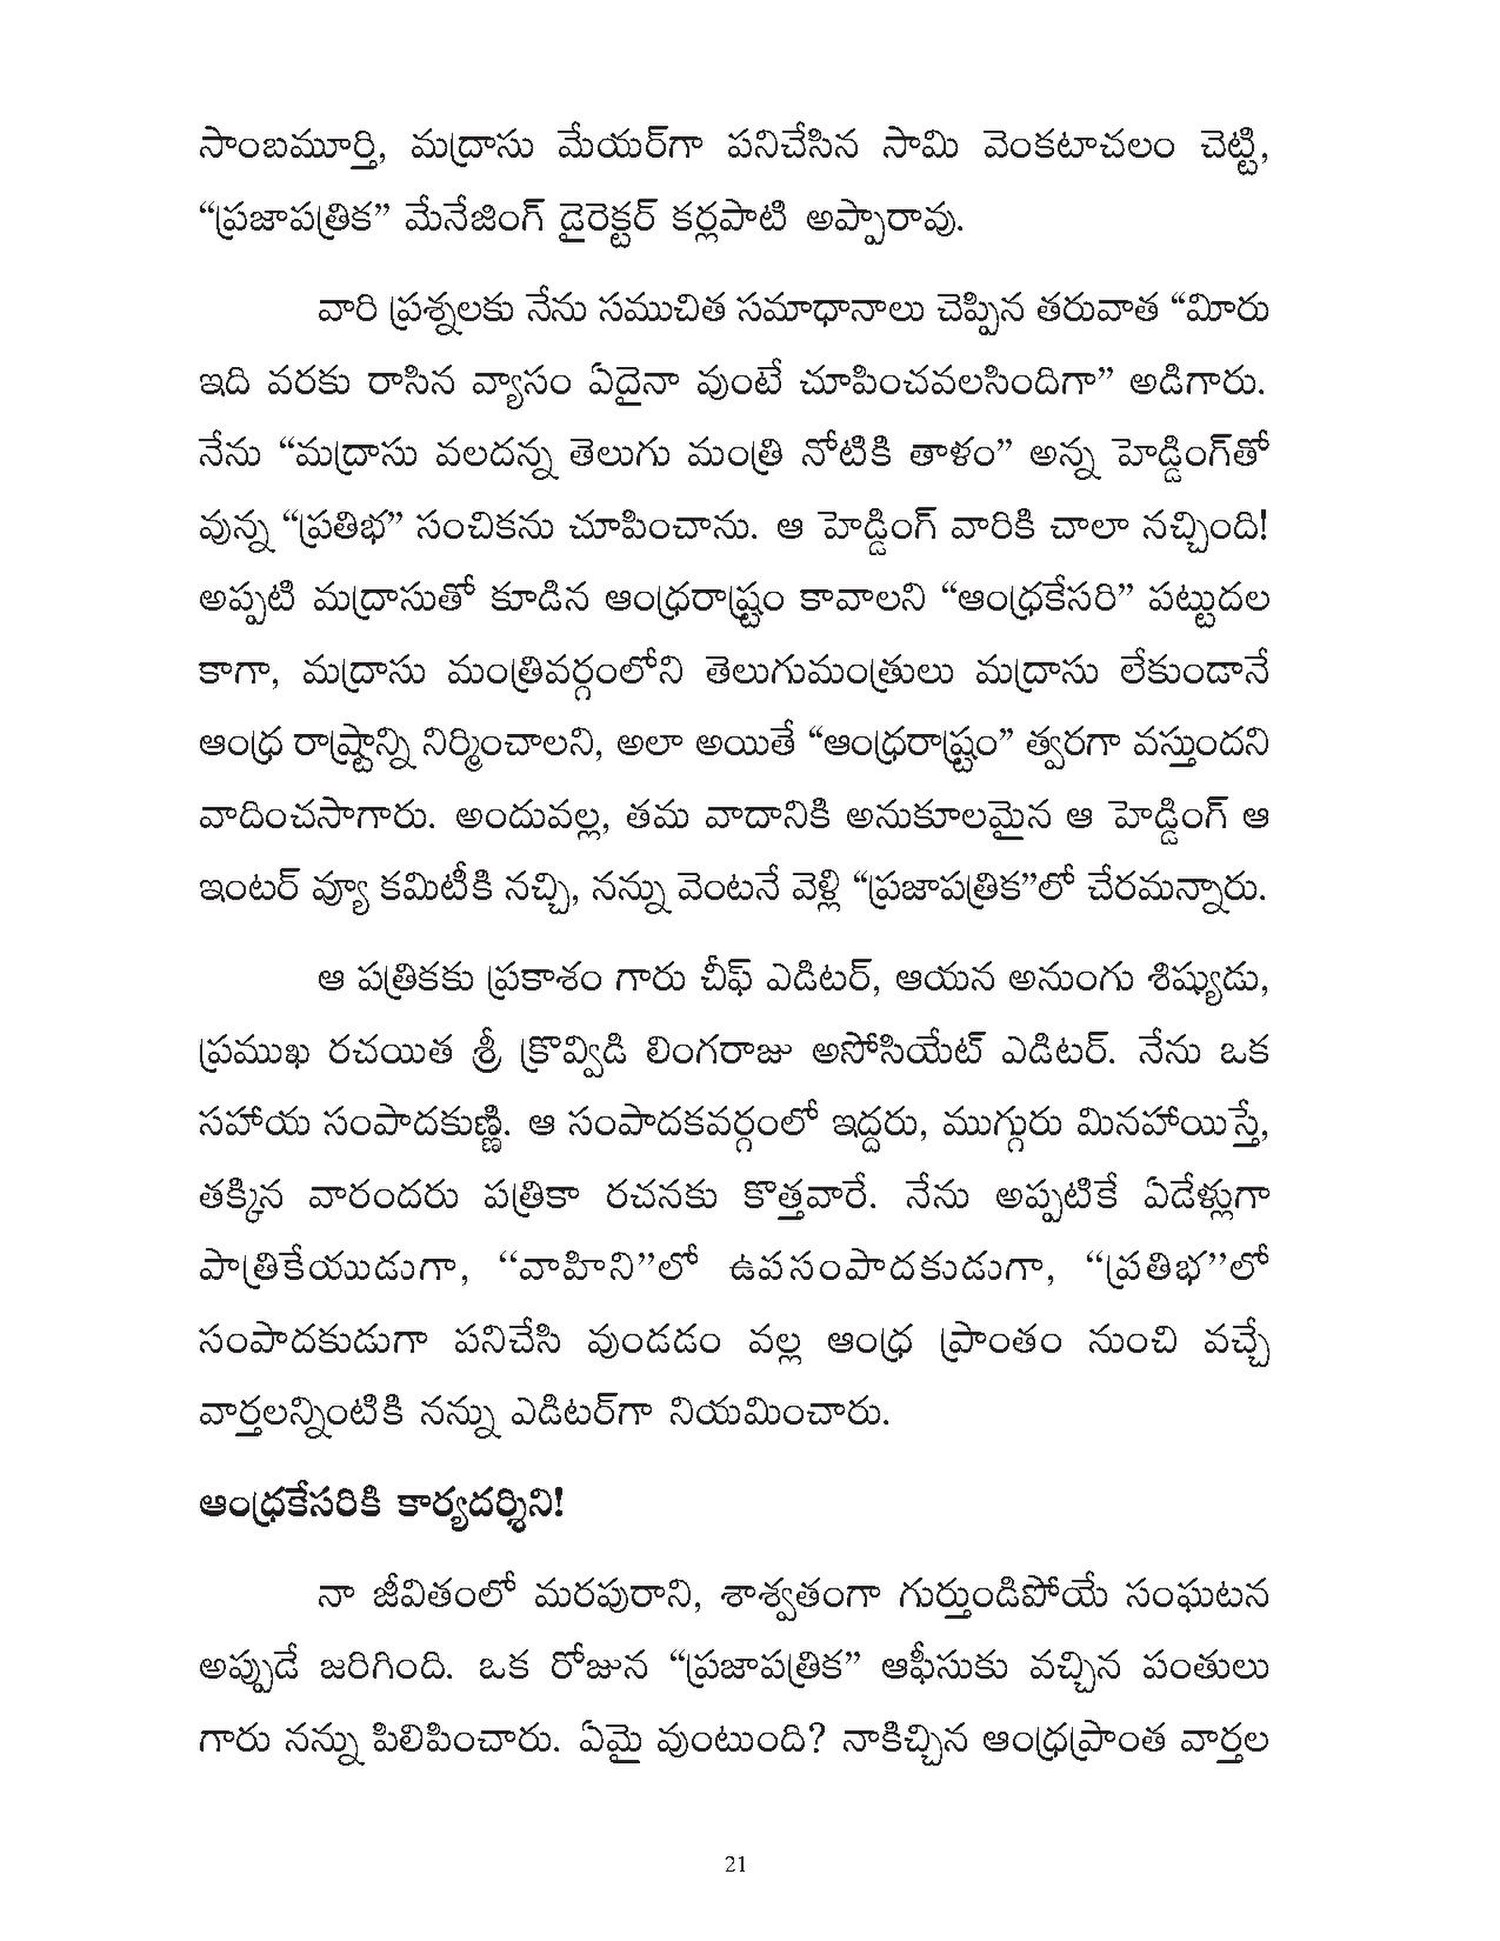సాంబమూర్తి, మద్రాసు మేయర్‌గా పనిచేసిన సామి వెంకటాచలం చెట్టి,
"ప్రజాపత్రిక" మేనేజింగ్‌ డైరెక్టర్‌ కర్లపాటి అప్పారావు.

వారి ప్రశ్నలకు నేను సముచిత సమాధానాలు చెప్పిన తరువాత "మీరు
ఇది వరకు రాసిన వ్యాసం ఏదైనా వుంటే చూపించవలసిందిగా" అడిగారు.
నేను "మద్రాసు వలదన్న తెలుగు మంత్రి నోటికి తాళం" అన్న హెడ్డింగ్‌తో
వున్న "ప్రతిభ" సంచికను చూపించాను. ఆ హెడ్డింగ్‌ వారికి చాలా నచ్చింది!
అప్పటి మద్రాసుతో కూడిన ఆంధ్రరాష్ట్రం కావాలని "ఆంధ్రకేసరి" పట్టుదల
కాగా, మద్రాసు మంత్రివర్గంలోని తెలుగుమంత్రులు మద్రాసు లేకుండానే
ఆంధ్ర రాష్ట్రాన్ని నిర్మించాలని, అలా అయితే "ఆంధ్రరాష్ట్రం" త్వరగా వస్తుందని
వాదించసాగారు. అందువల్ల, తమ వాదానికి అనుకూలమైన ఆ హెడ్డింగ్‌ ఆ
ఇంటర్‌ వ్యూ కమిటీకి నచ్చి, నన్ను వెంటనే వెళ్లి "ప్రజాపత్రిక"లో చేరమన్నారు.

ఆ పత్రికకు ప్రకాశం గారు చీఫ్‌ ఎడిటర్‌, ఆయన అనుంగు శిష్యుడు,
ప్రముఖ రచయిత శ్రీ క్రొవ్విడి లింగరాజు అసోసియేట్‌ ఎడిటర్‌. నేను ఒక
సహాయ సంపాదకుణ్ణి. ఆ సంపాదకవర్గంలో ఇద్దరు, ముగ్గురు మినహాయిస్తే,
తక్కిన వారందరు పత్రికా రచనకు కొత్తవారే. నేను అప్పటికే ఏడేళ్లుగా
పాత్రికేయుడుగా, "వాహిని"లో ఉపసంపాదకుడుగా, "ప్రతిభ"లో
సంపాదకుడుగా పనిచేసి వుండడం వల్ల ఆంధ్ర ప్రాంతం నుంచి వచ్చే
వార్తలన్నింటికి నన్ను ఎడిటర్‌గా నియమించారు.
ఆంధ్రకేసరికి కార్యదర్శిని!
నా జీవితంలో మరపురాని, శాశ్వతంగా గుర్తుండిపోయే సంఘటన
అప్పుడే జరిగింది. ఒక రోజున "ప్రజాపత్రిక" ఆఫీసుకు వచ్చిన పంతులు
గారు నన్ను పిలిపించారు. ఏమై వుంటుంది? నాకిచ్చిన ఆంధ్రప్రాంత వార్తల